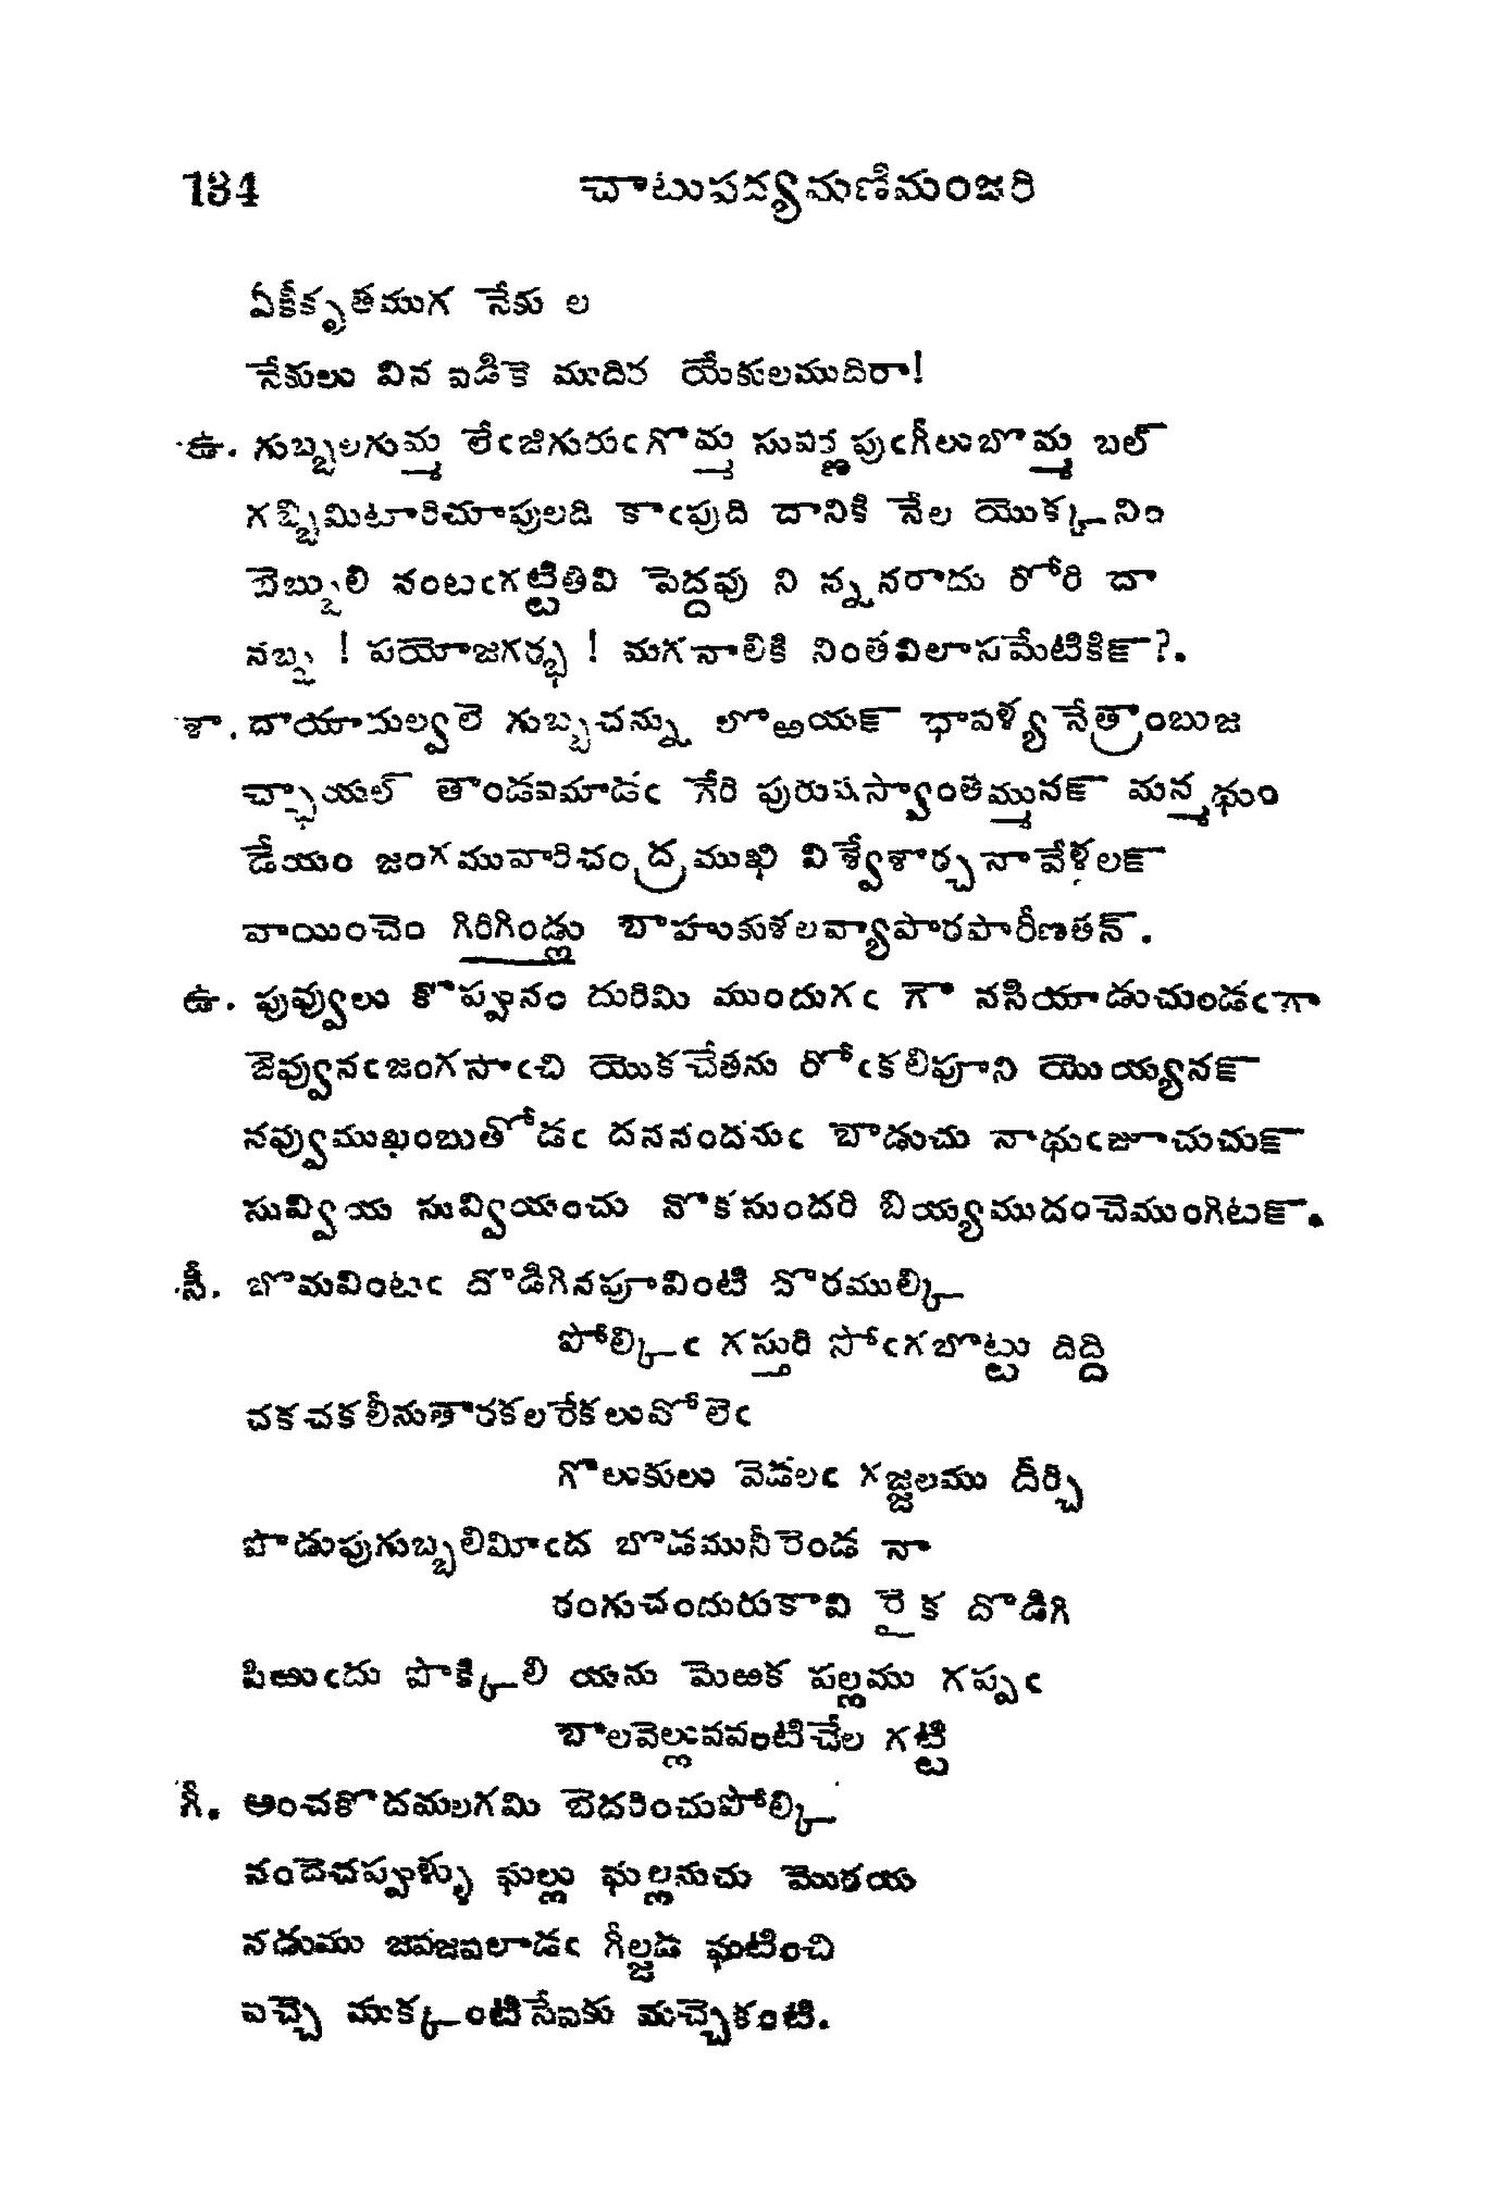ఏకీకృతముగ నేకు ల
 నేకులు విన వడికె ముదిర యేకులముదిరా!
ఉ. గుబ్బలగుమ్మ లేఁజిగురుఁగొమ్మ సువర్ణపుఁగీలుబొమ్మ బల్
 గబ్బిమిటారిచూపులది కాఁపుది దానికి నేల యొక్కనిం
 బెబ్బులి నంటఁగట్టితివి పెద్దవు ని న్ననరాదు రోరి దా
 నబ్బ! పయోజగర్భ! మగనాలికి నింత విలాస మేఁటికిన్?
శా. దాయాదుల్వలె గుబ్బచన్ను లొఱయన్ ధావళ్యనేత్రాంబుజ
 చ్ఛాయ ల్తాండవమాడఁ గేరి పురుషస్వాంతమ్మున న్మన్మథుం
 డేయం జంగమువారిచంద్రముఖి విశ్వేశార్చనావేళలన్
 వాయించెం గిరిగిండ్లు బాహుకుశలవ్యాపారపారీణతన్.
ఉ. పువ్వులు కొప్పునం దురిమి ముందుగఁ గౌ నసియాడుచుండఁగాఁ
 జెవ్వునఁ జంగసాఁచి యొకచేతను రోఁకలి పూని యొయ్యనన్
 నవ్వుమొగంబుతోడఁ దననందనుఁ బాడుచు నాథుఁ జూచుచున్
 సువ్వియ సువ్వియంచు నొకసుందరి బియ్యము దంచె ముంగిటన్.
సీ. బొమవింటఁ దొడిగిన పూవింటిదొరముల్కి
 పోల్కిఁ గస్తురి సోఁగబొట్టు దిద్ది
 చకచకలీనుతారకలరేకలువోలెఁ
 గొలుకులు వెడలఁ గజ్జలము దీర్చి
 పొడుపుగుబ్బలిమీఁదఁ బొడమునీరెండ నా
 రంగుచందురుకావిరైక దొడిగి
 పిఱుఁదు పొక్కిలి యను మెఱక పల్లము గప్పఁ
 బాలవెల్లువవంటిచేల గట్టి
గీ. అంచకొదమలగమి బెదిరించుపోల్కి
 నందెచప్పుళ్ళు ఘల్లుఘల్లనుచు మొరయ
 నడుము జవజవలాడఁ గీల్జడ ఘటించి
 వచ్చె ముక్కంటిసేవకు మచ్చెకంటి.